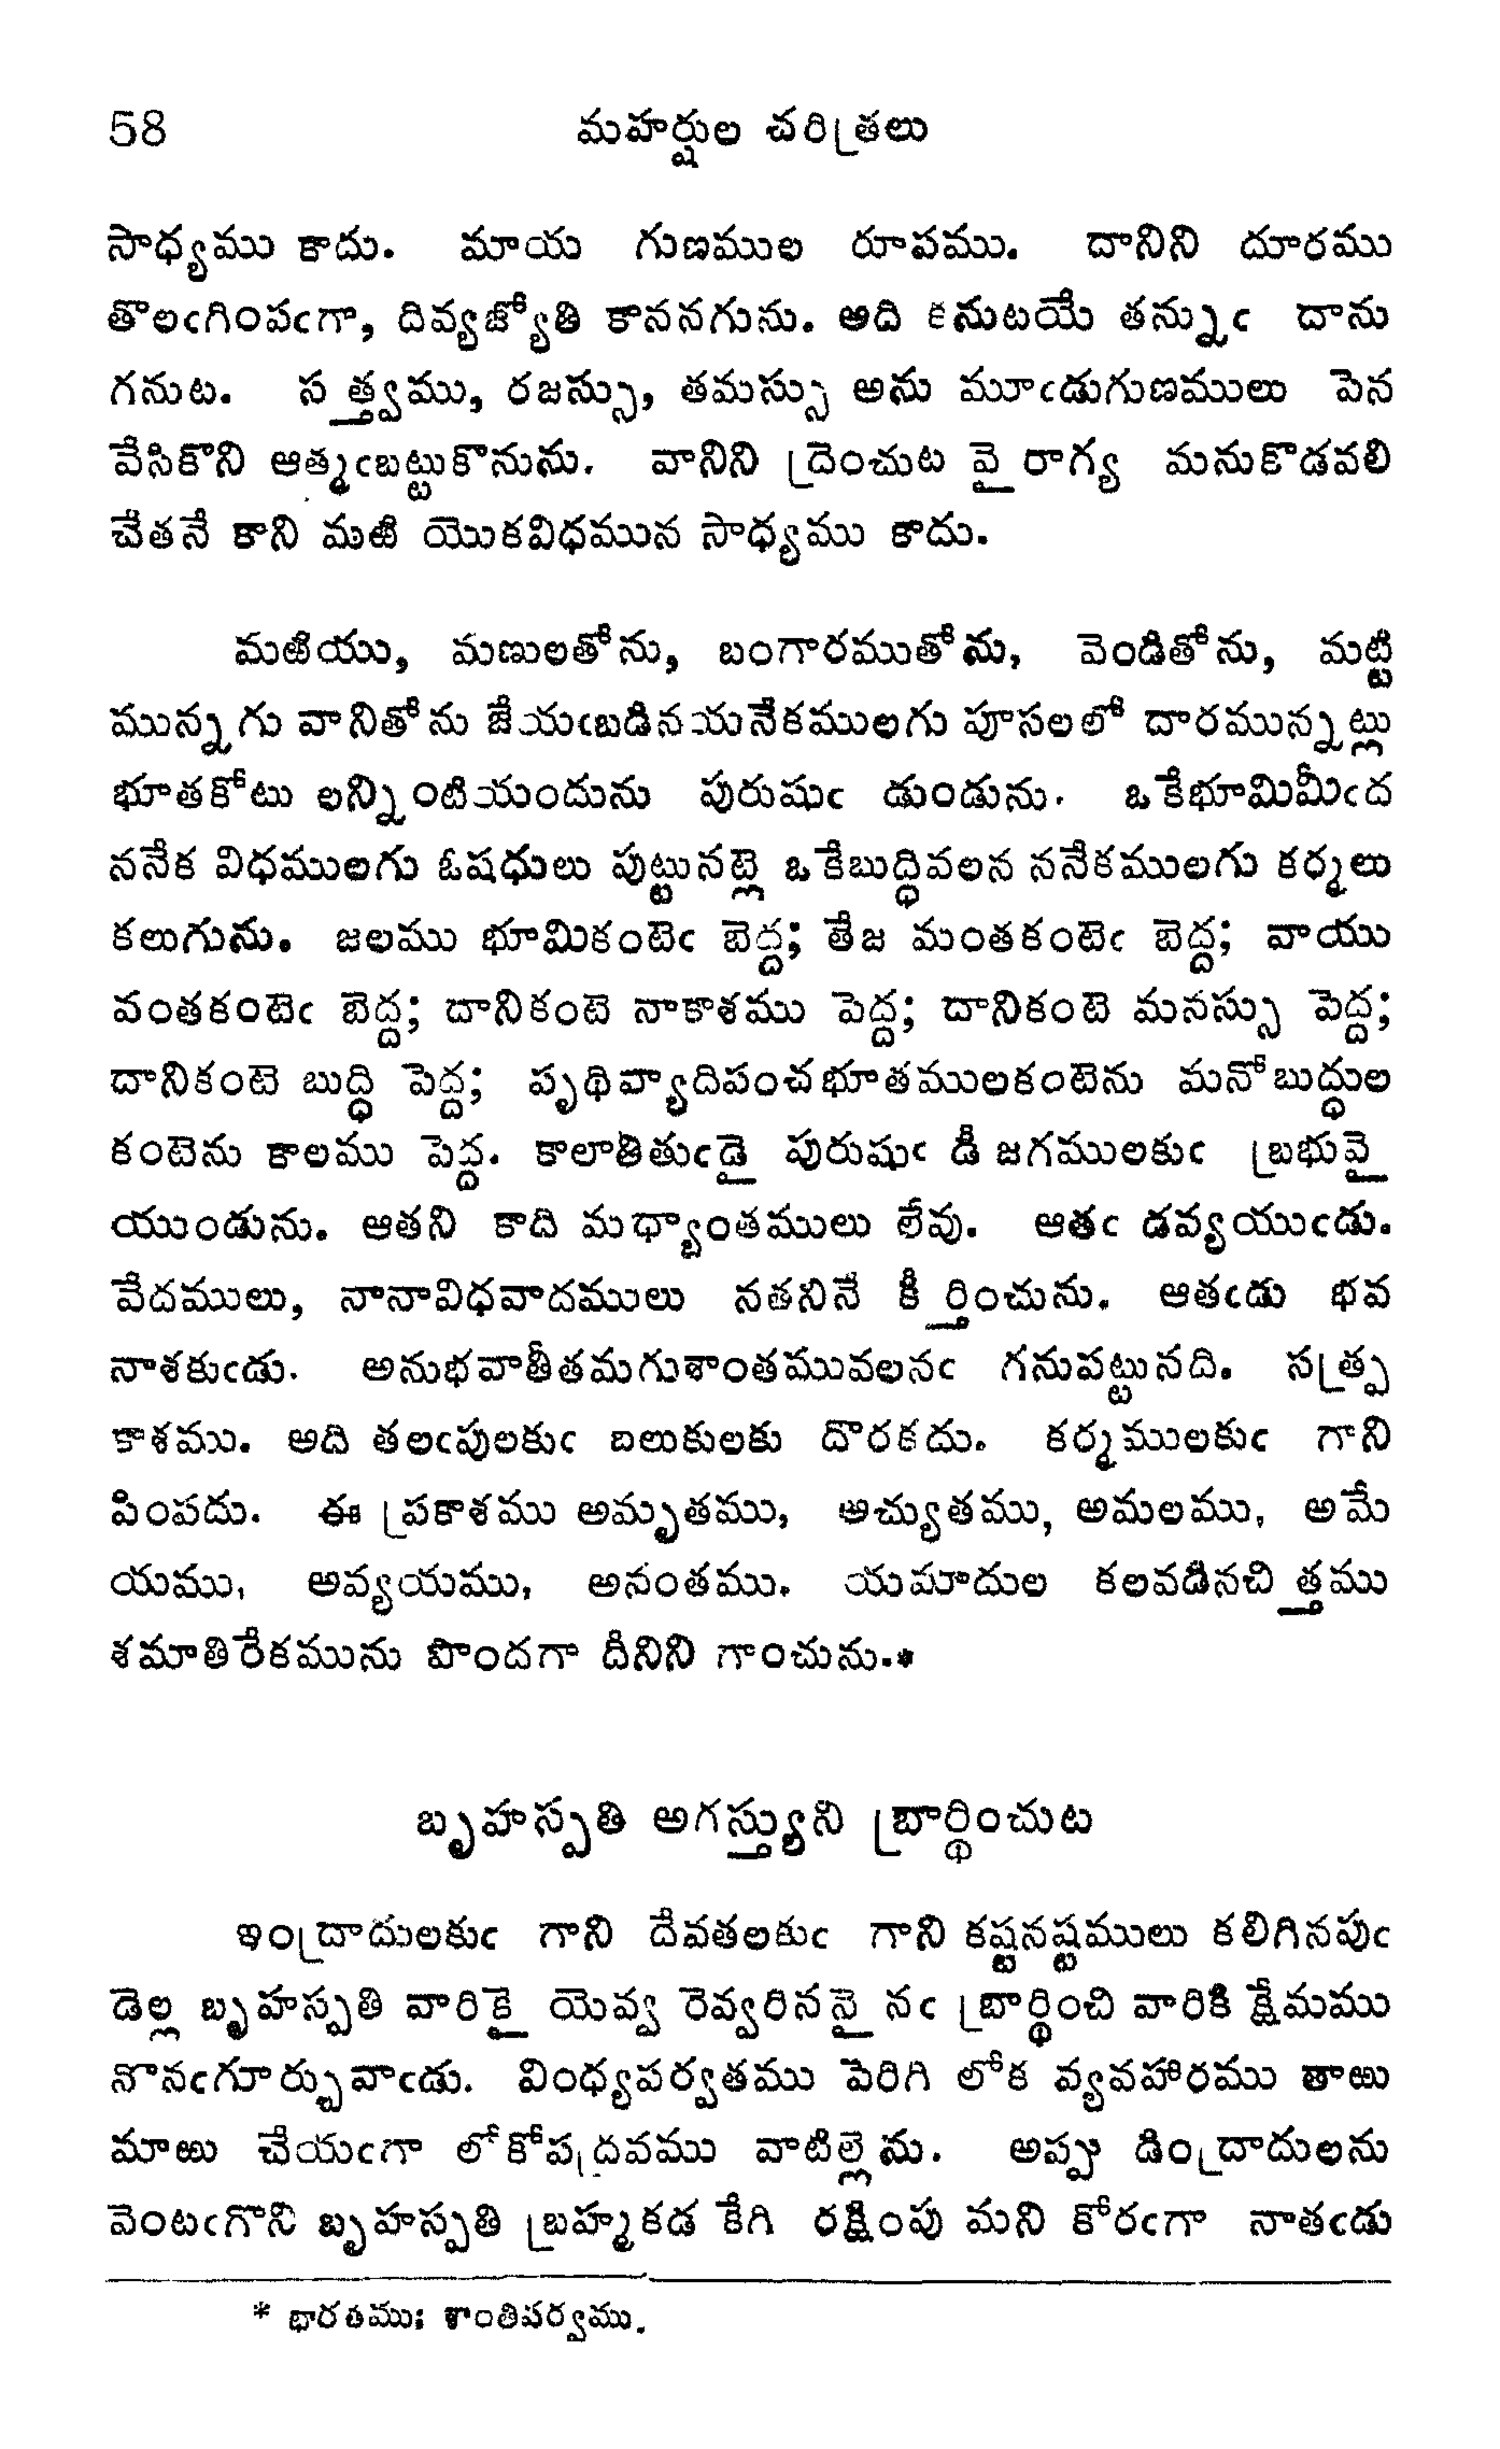సాధ్యము కాదు. మాయ గుణముల రూపము. దానిని దూరము తొలఁగింపఁగా, దివ్యజ్యోతి కాననగును. అది కనుటయే తన్నుఁ దాను గనుట. సత్త్వము, రజస్సు, తమస్సు అను మూఁడుగుణములు పెనవేసికొని ఆత్మఁబట్టుకొనును. వానిని ద్రించుట వైరాగ్య మనుగొడవలి చేతనే కాని మఱి యొకవిధమున సాధ్యము కాదు.

మఱియు, మణులతోను, బంగారముతోను, వెండితోను, మట్టి మున్నగు వానితోను జేయఁబడిన యనేకములగు పూసలలో దారమున్నట్లు భూతకోటు అన్నింటియందును పురుషుఁ డుండును. ఒకేభూమిమీఁద ననేక విధములగు ఓషధులు పుట్టునట్లె ఒకేబుద్ధివలన ననేకములగు కర్మలు కలుగును. జలము భూమికంటెఁ బెద్ద; తేజ మంతకంటెఁ బెద్ద; వాయు వంతకంటెఁ బెద్ద; దానికంటె నాకాశము పెద్ద; దానికంటె మనస్సు పెద్ద; దానికంటె బుద్ది పెద్ద; పృథివ్యాదిపంచభూతములకంటెను మనోబుద్దుల కంటెను కాలము పెద్ద. కాలాతీతుఁడై పురుషుఁ డి జగములకుఁ బ్రభువై యుండును. ఆతని కాది మధ్యాంతములు లేవు. ఆతఁ డవ్యయుఁడు. వేదములు, నానావిధవాదములు నతనినే కీర్తించును. ఆతఁడు భవ నాశకుఁడు. అనుభవాతీతమగుశాంతమువలనఁ గనుపట్టునది. సత్ప్రకాశము. అది తలఁపులకుఁ బలుకులకు దొరకదు. కర్మములకుఁ గానిపింపదు. ఈ ప్రకాశము అమృతము, అచ్యుతము, అమలము, అమేయము, అవ్యయము, అనంతము. యమాదుల కలవడినచిత్తము శమాతిరేకమును పొందగా దీనిని గాంచును.*

బృహస్పతి అగస్త్యుని బ్రార్థించుట 

ఇంద్రాదులకుఁ గాని దేవతలకుఁ గాని కష్టనష్టములు కలిగినపుఁడెల్ల బృహస్పతి వారికై యెవ్వ రెవ్వరిననైనఁ బ్రార్థించి వారికి క్షేమము నొనఁగూర్చువాఁడు. వింధ్యపర్వతము పెరిగి లోక వ్యవహారము తాఱు మాఱు చేయఁగా లోకోపద్రవము వాటిల్లెను. అప్పు డింద్రాదులను వెంటఁగొని బృహస్పతి బ్రహ్మకడ కేగి రక్షింపు మని కోరఁగా నాతఁడు